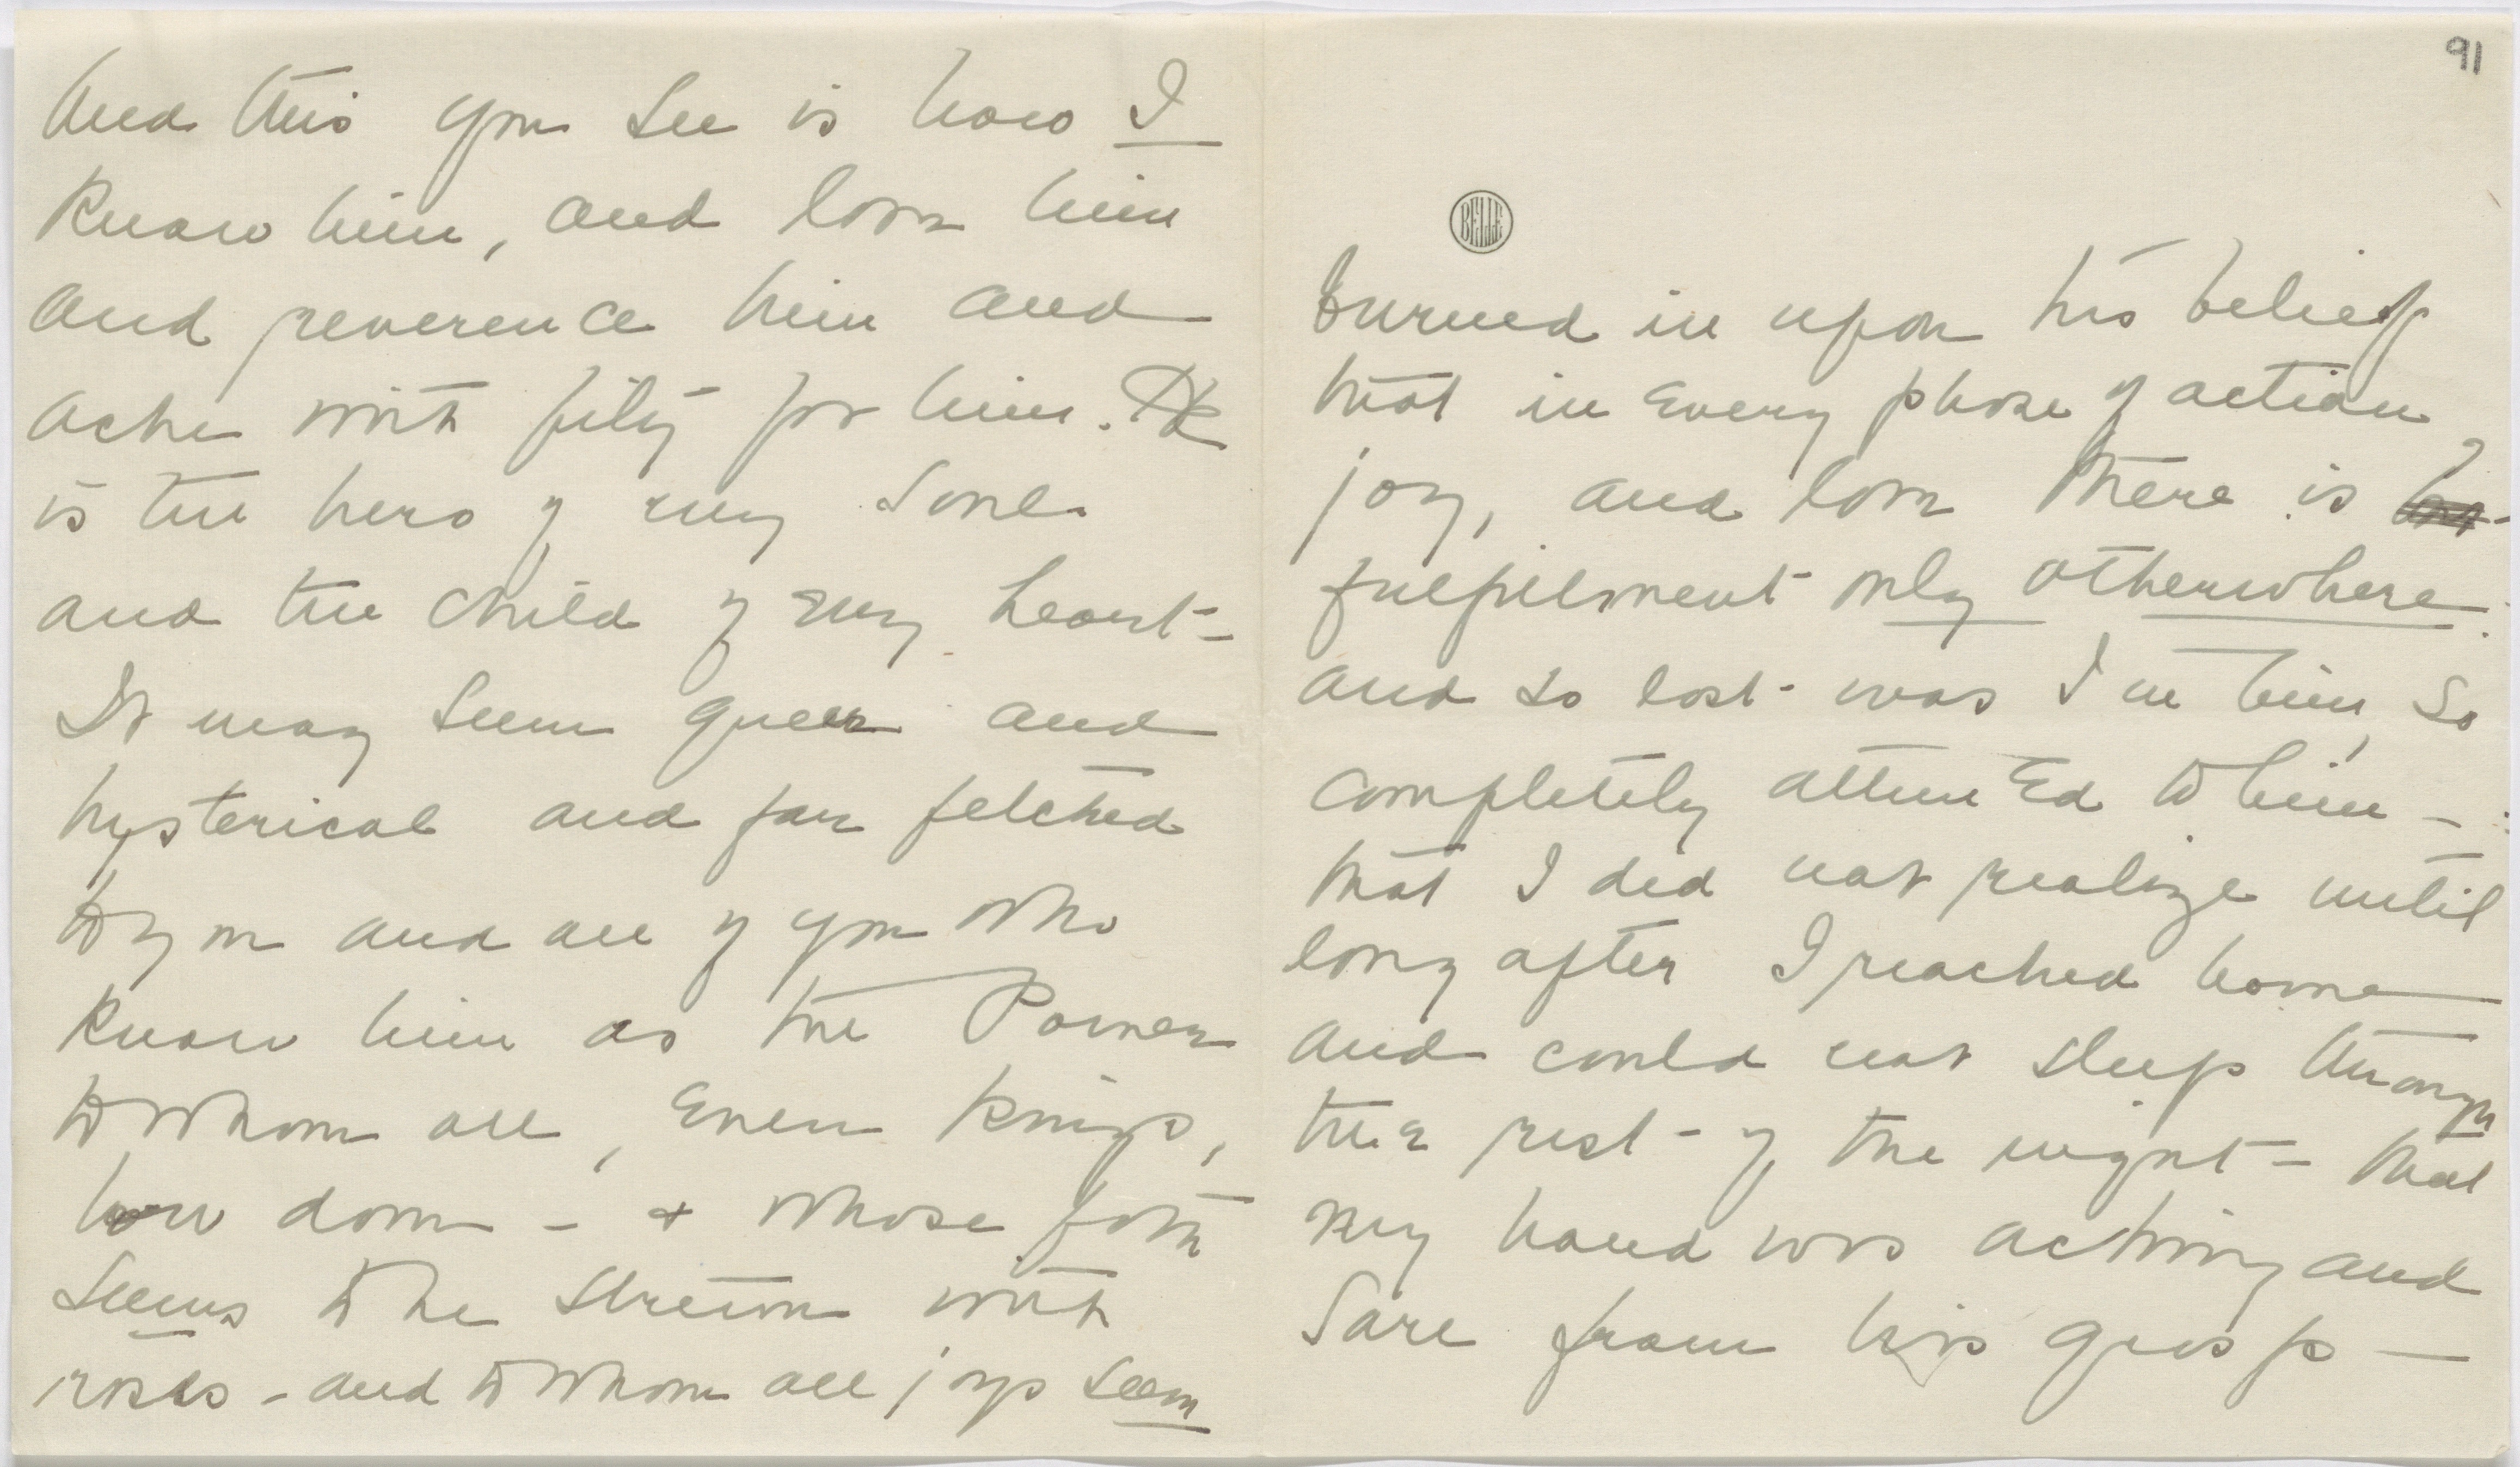burned in upon his belief that in every phase of action, joy, and love there is but fulfillment only otherwhere and so lost was I in him, so completely attuned to him – that I did not realize until long after I reached home and could not sleep through the rest of the night – that my hand was aching and sore from his grasp –
and this you see is how I know him, and love him and reverence him and ache with pity for him. He is the hero of my soul and the child of my heart – it may seem queer and hysterical and far fetched to you and all of you who know him as the Power to whom all, even kings, bow down – & whose path seems to be strewn with roses – and to whom all joys seem